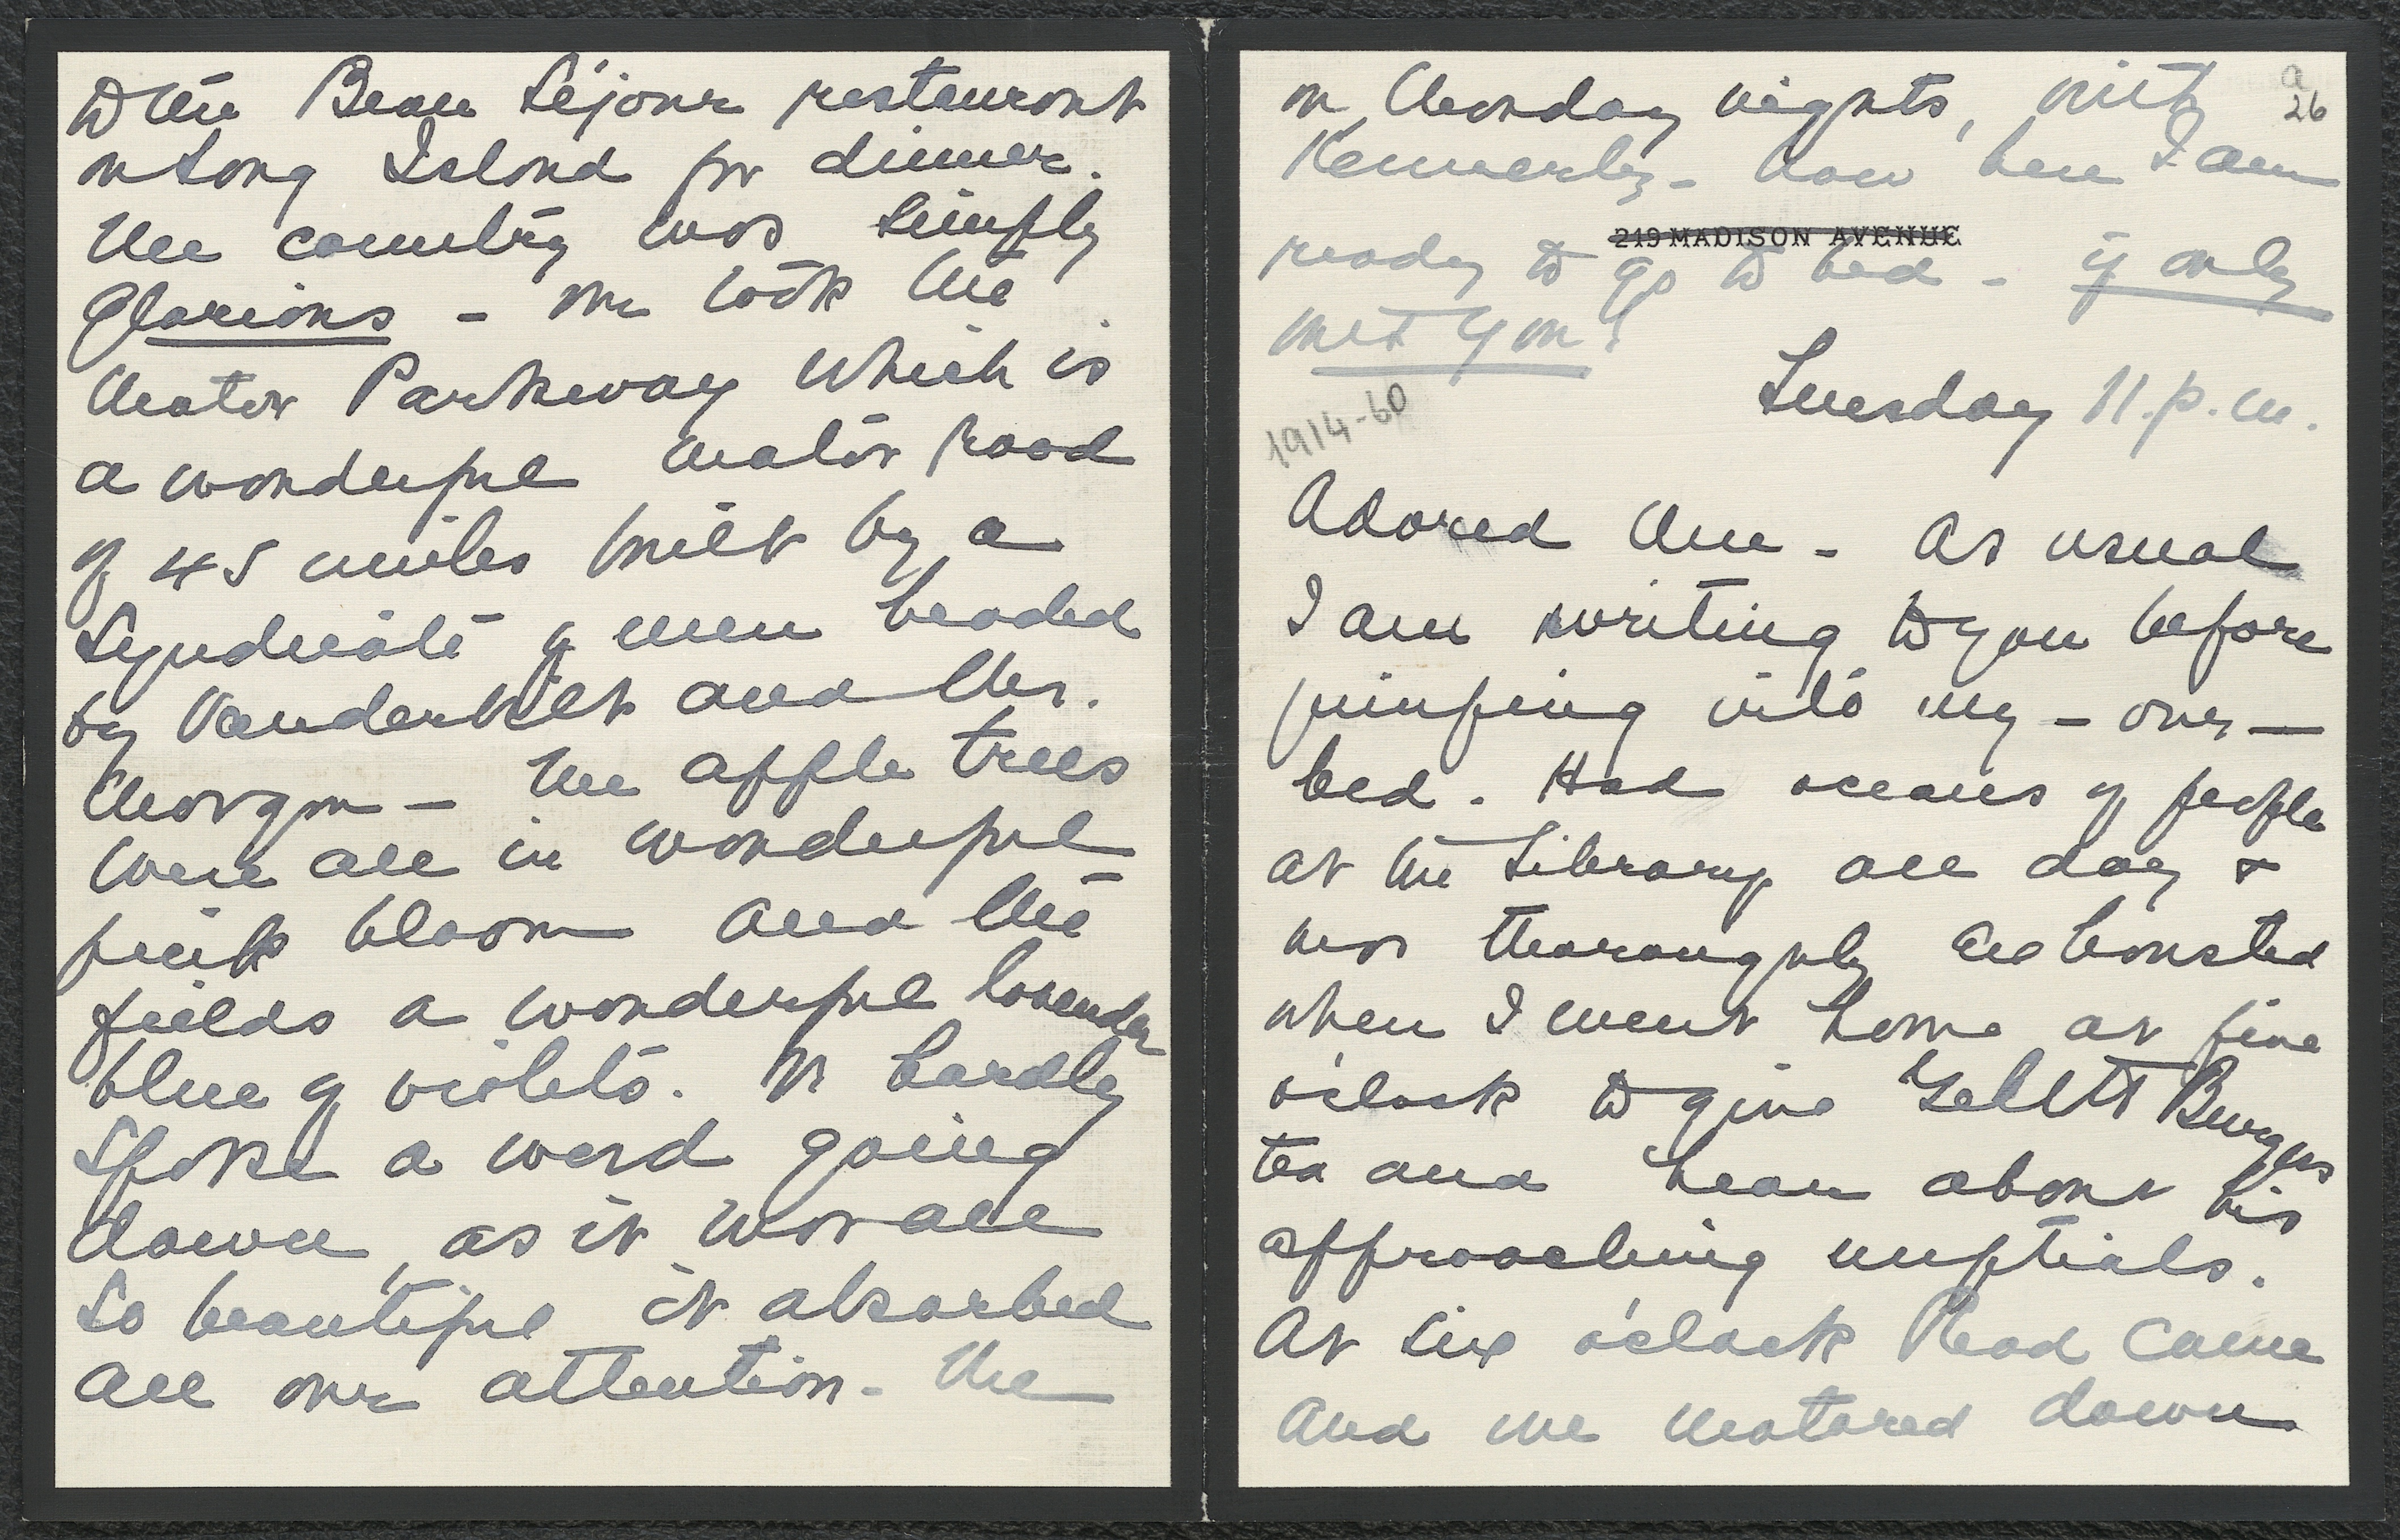on Monday nights, with Kennerly – now here I am ready to go to bed – if only with you!
Tuesday 11. p.m.
Adored one – as usual I am writing to you before jumping into my – our – bed. Had oceans of people at the Library all day & was thoroughly exhausted when I went home at five o'clock to give Gellet Burgess tea and hear about his approaching nuptials. At six o'clock Read came and we motored down
to the Beau Séjour restaurant on Long Island for dinner. The country was simply glorious – we took the motor parkway which is a wonderful motor road of 45 miles built by a syndicate of men headed by Vanderbilt and Mr. Morgan – The apple trees were all in wonderful pink bloom and the fields a wonderful lavender blue of violets. We hardly spoke a word going down, as it was all so beautiful it absorbed all our attention. The